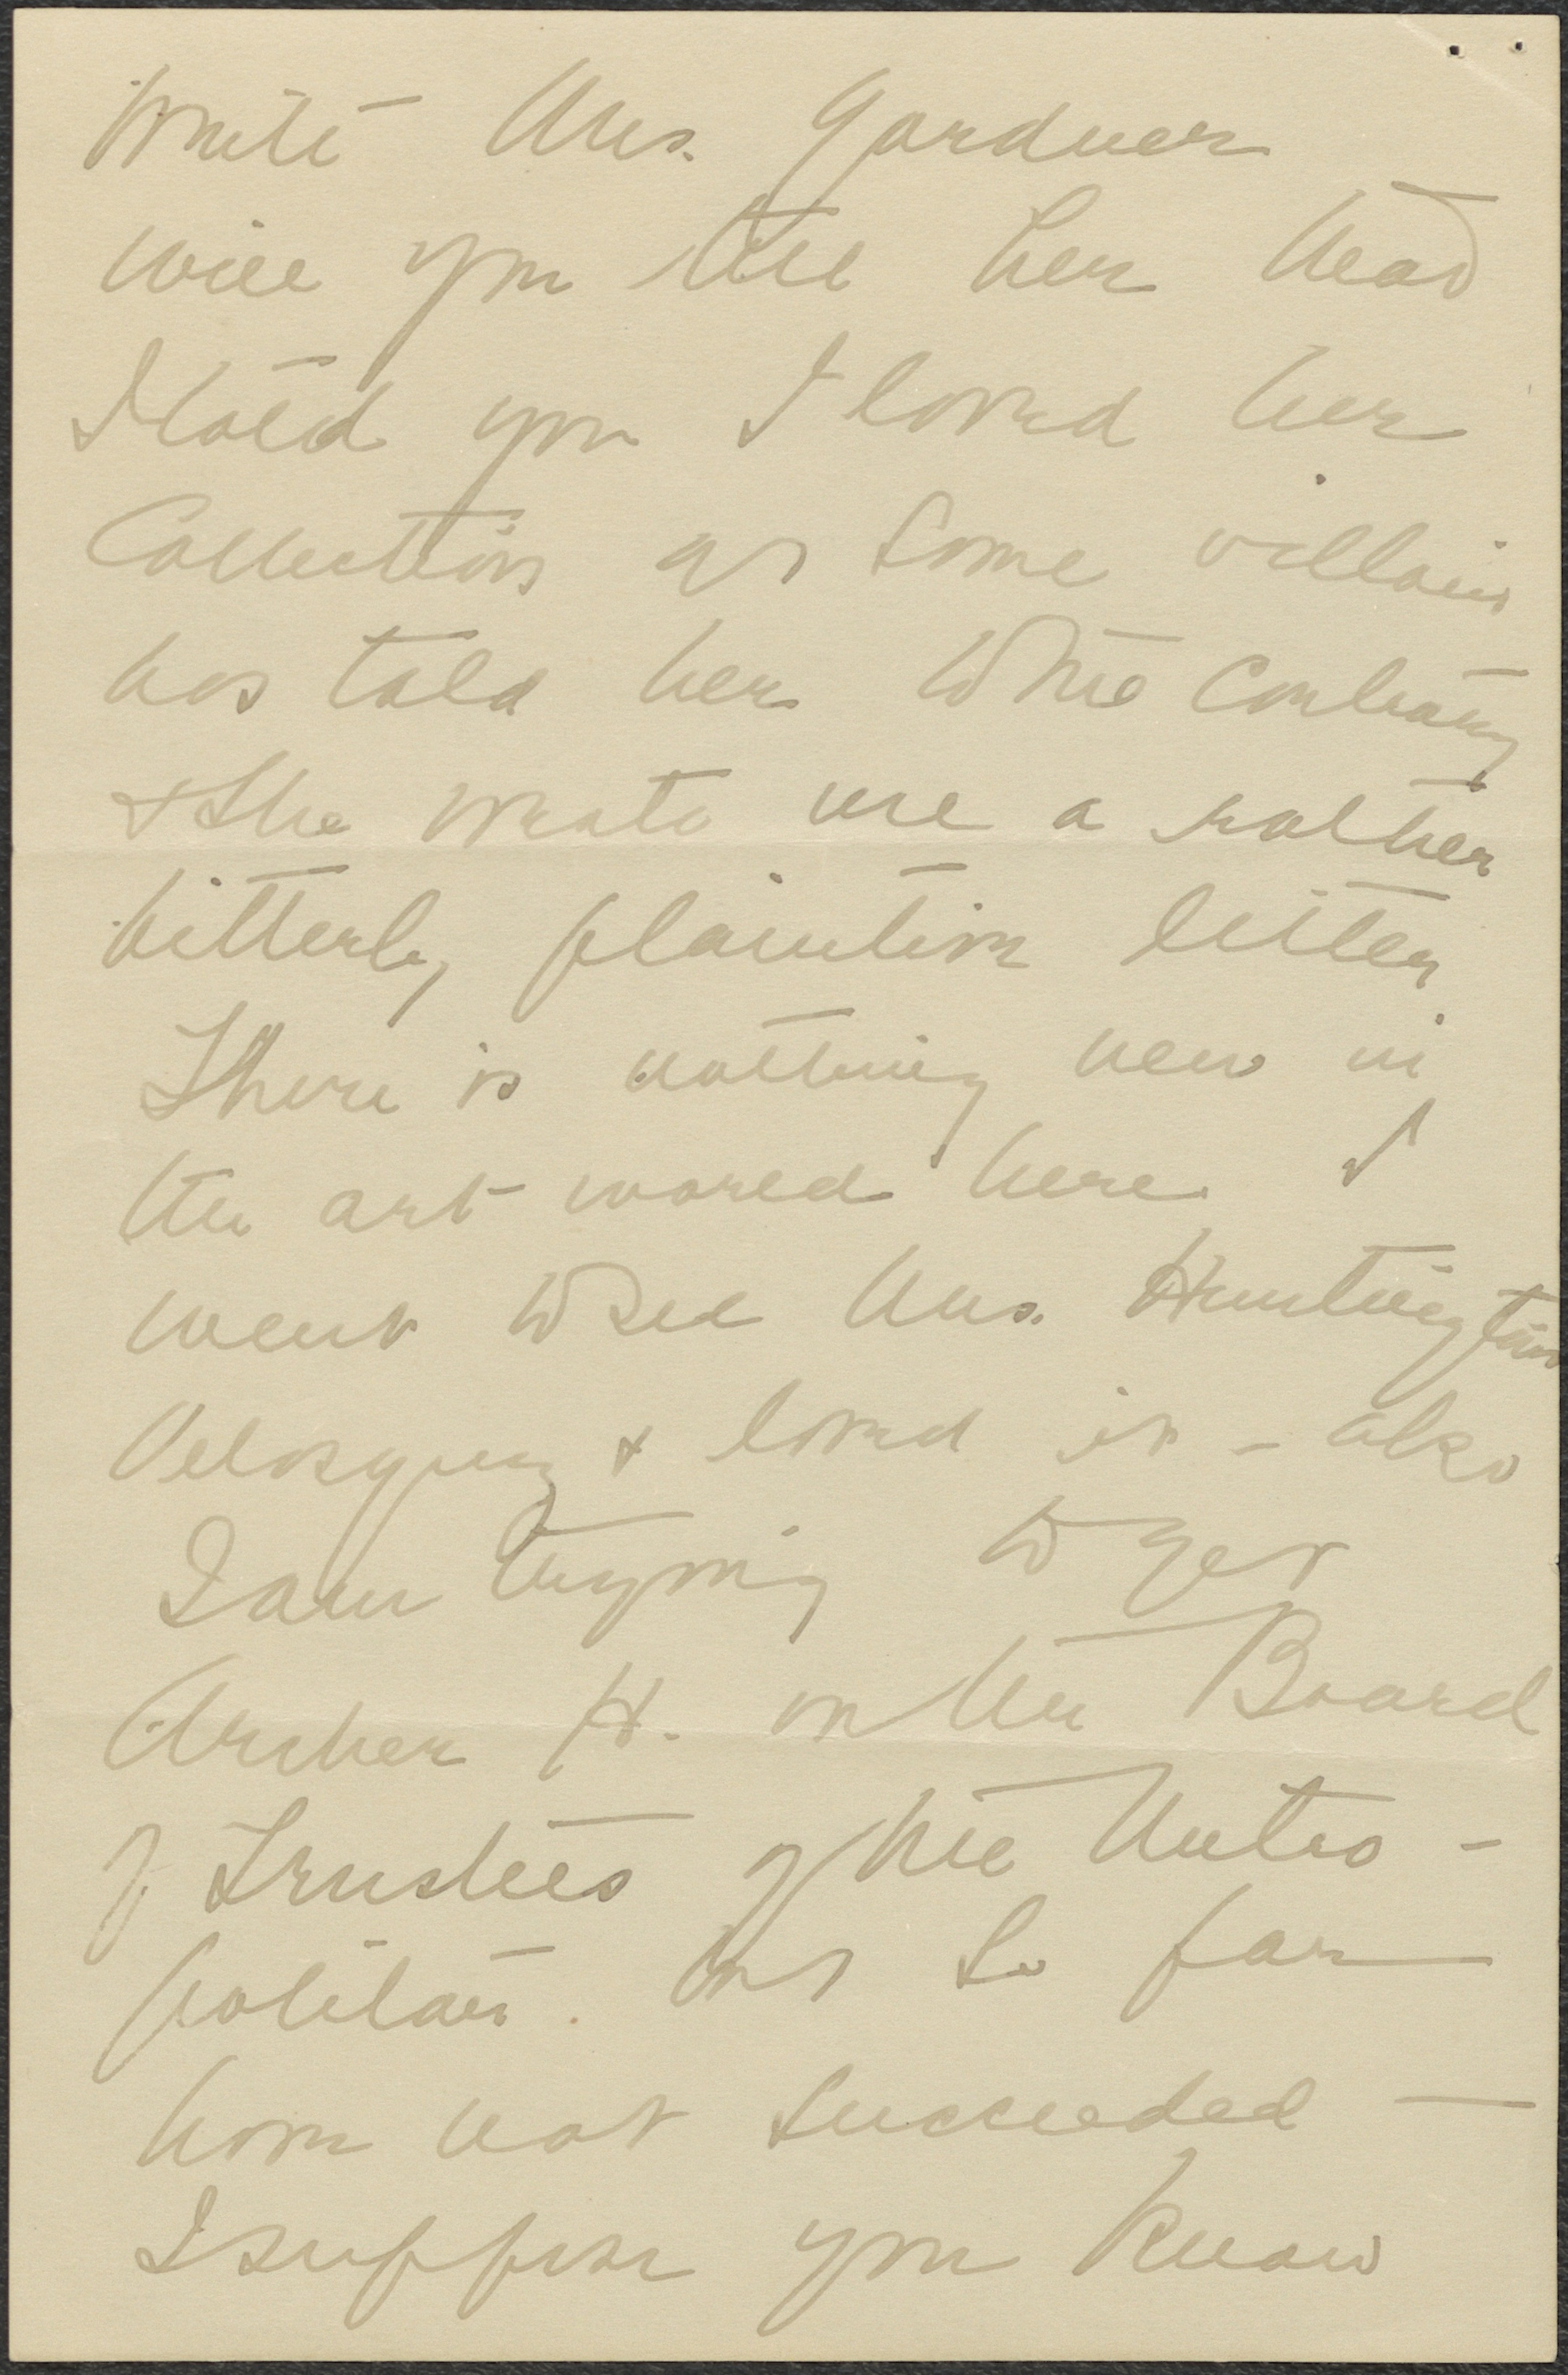write Mrs. Gardner will you tell her that I told you I loved her collection as some villain has told her to the contrary & she wrote me a rather bitterly plaintive letter
There is nothing new in the art world here I went to see Mrs. Huntington’s Velazquez & loved it – also I am trying to get Archer H. on the Board of Trustees of the Metropolitan. but so far have not succeeded – I suppose you know